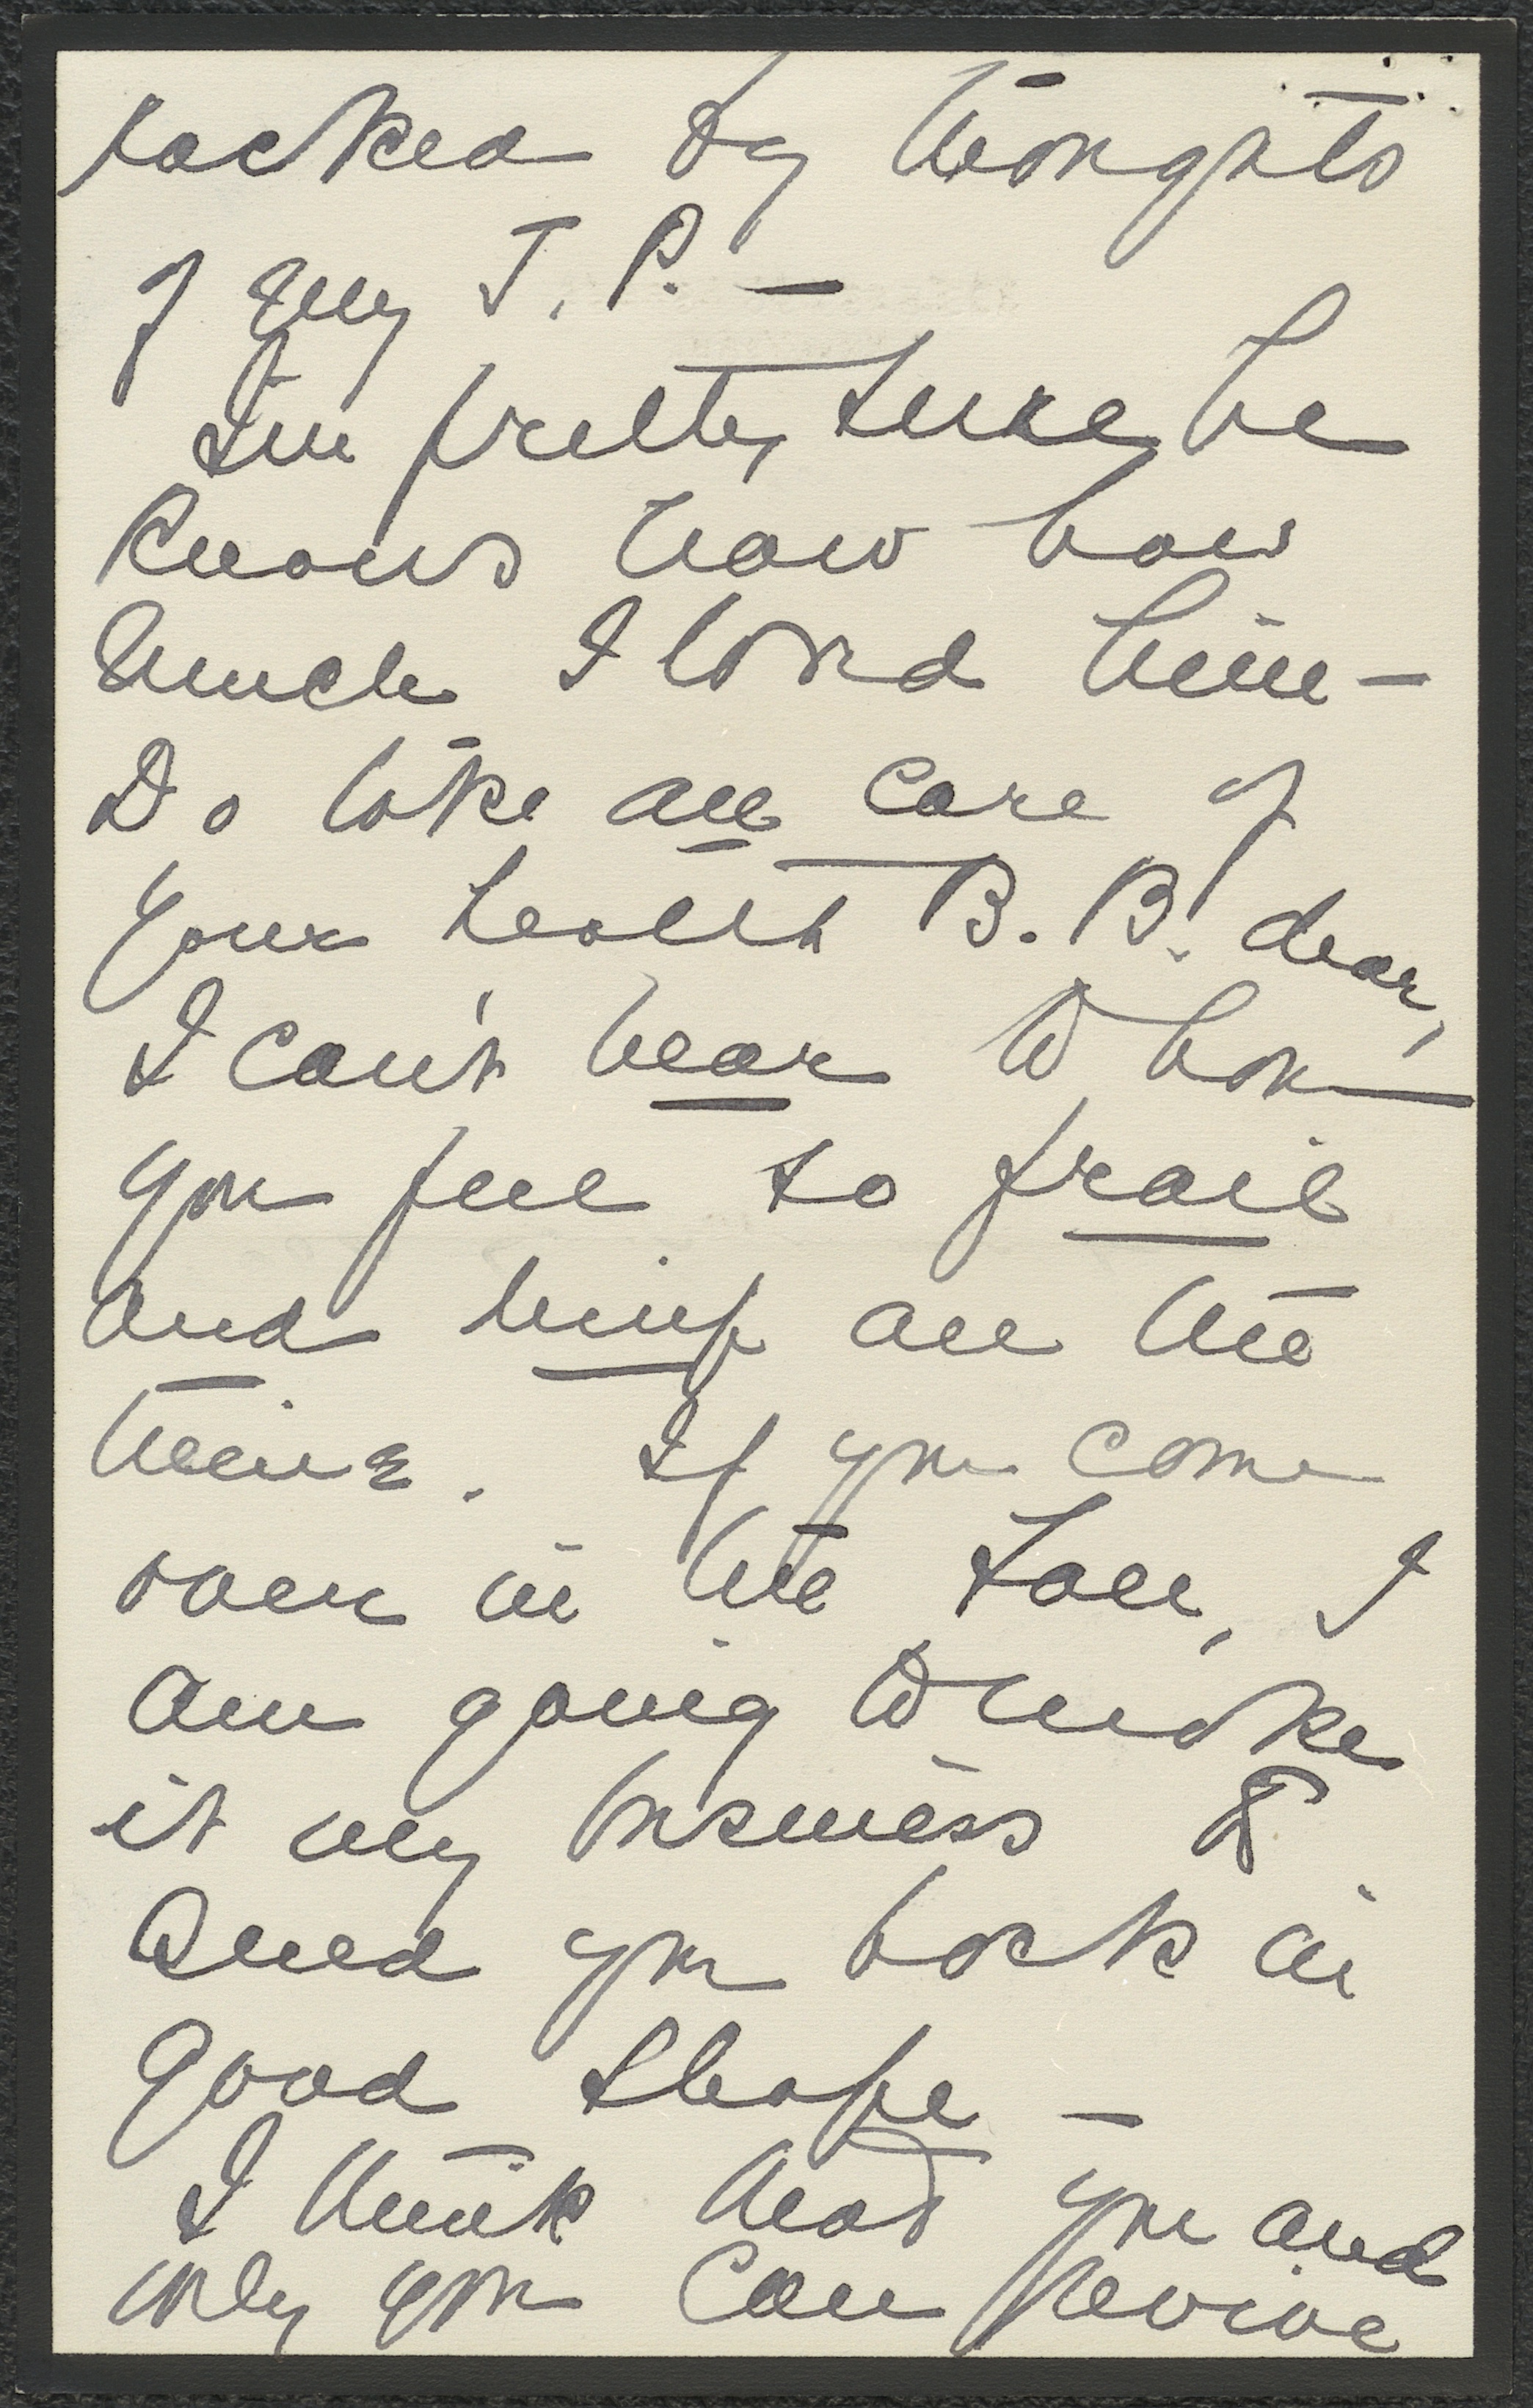racked by thoughts of my J.P. –
I’m pretty sure he knows now how much I loved him – Do take all care of your health B.B. dear, I can’t bear to have you feel so frail and limp all the time. If you come over in the Fall, I am going to make it my business to send you back in good shape –
I think that you and only you can revive